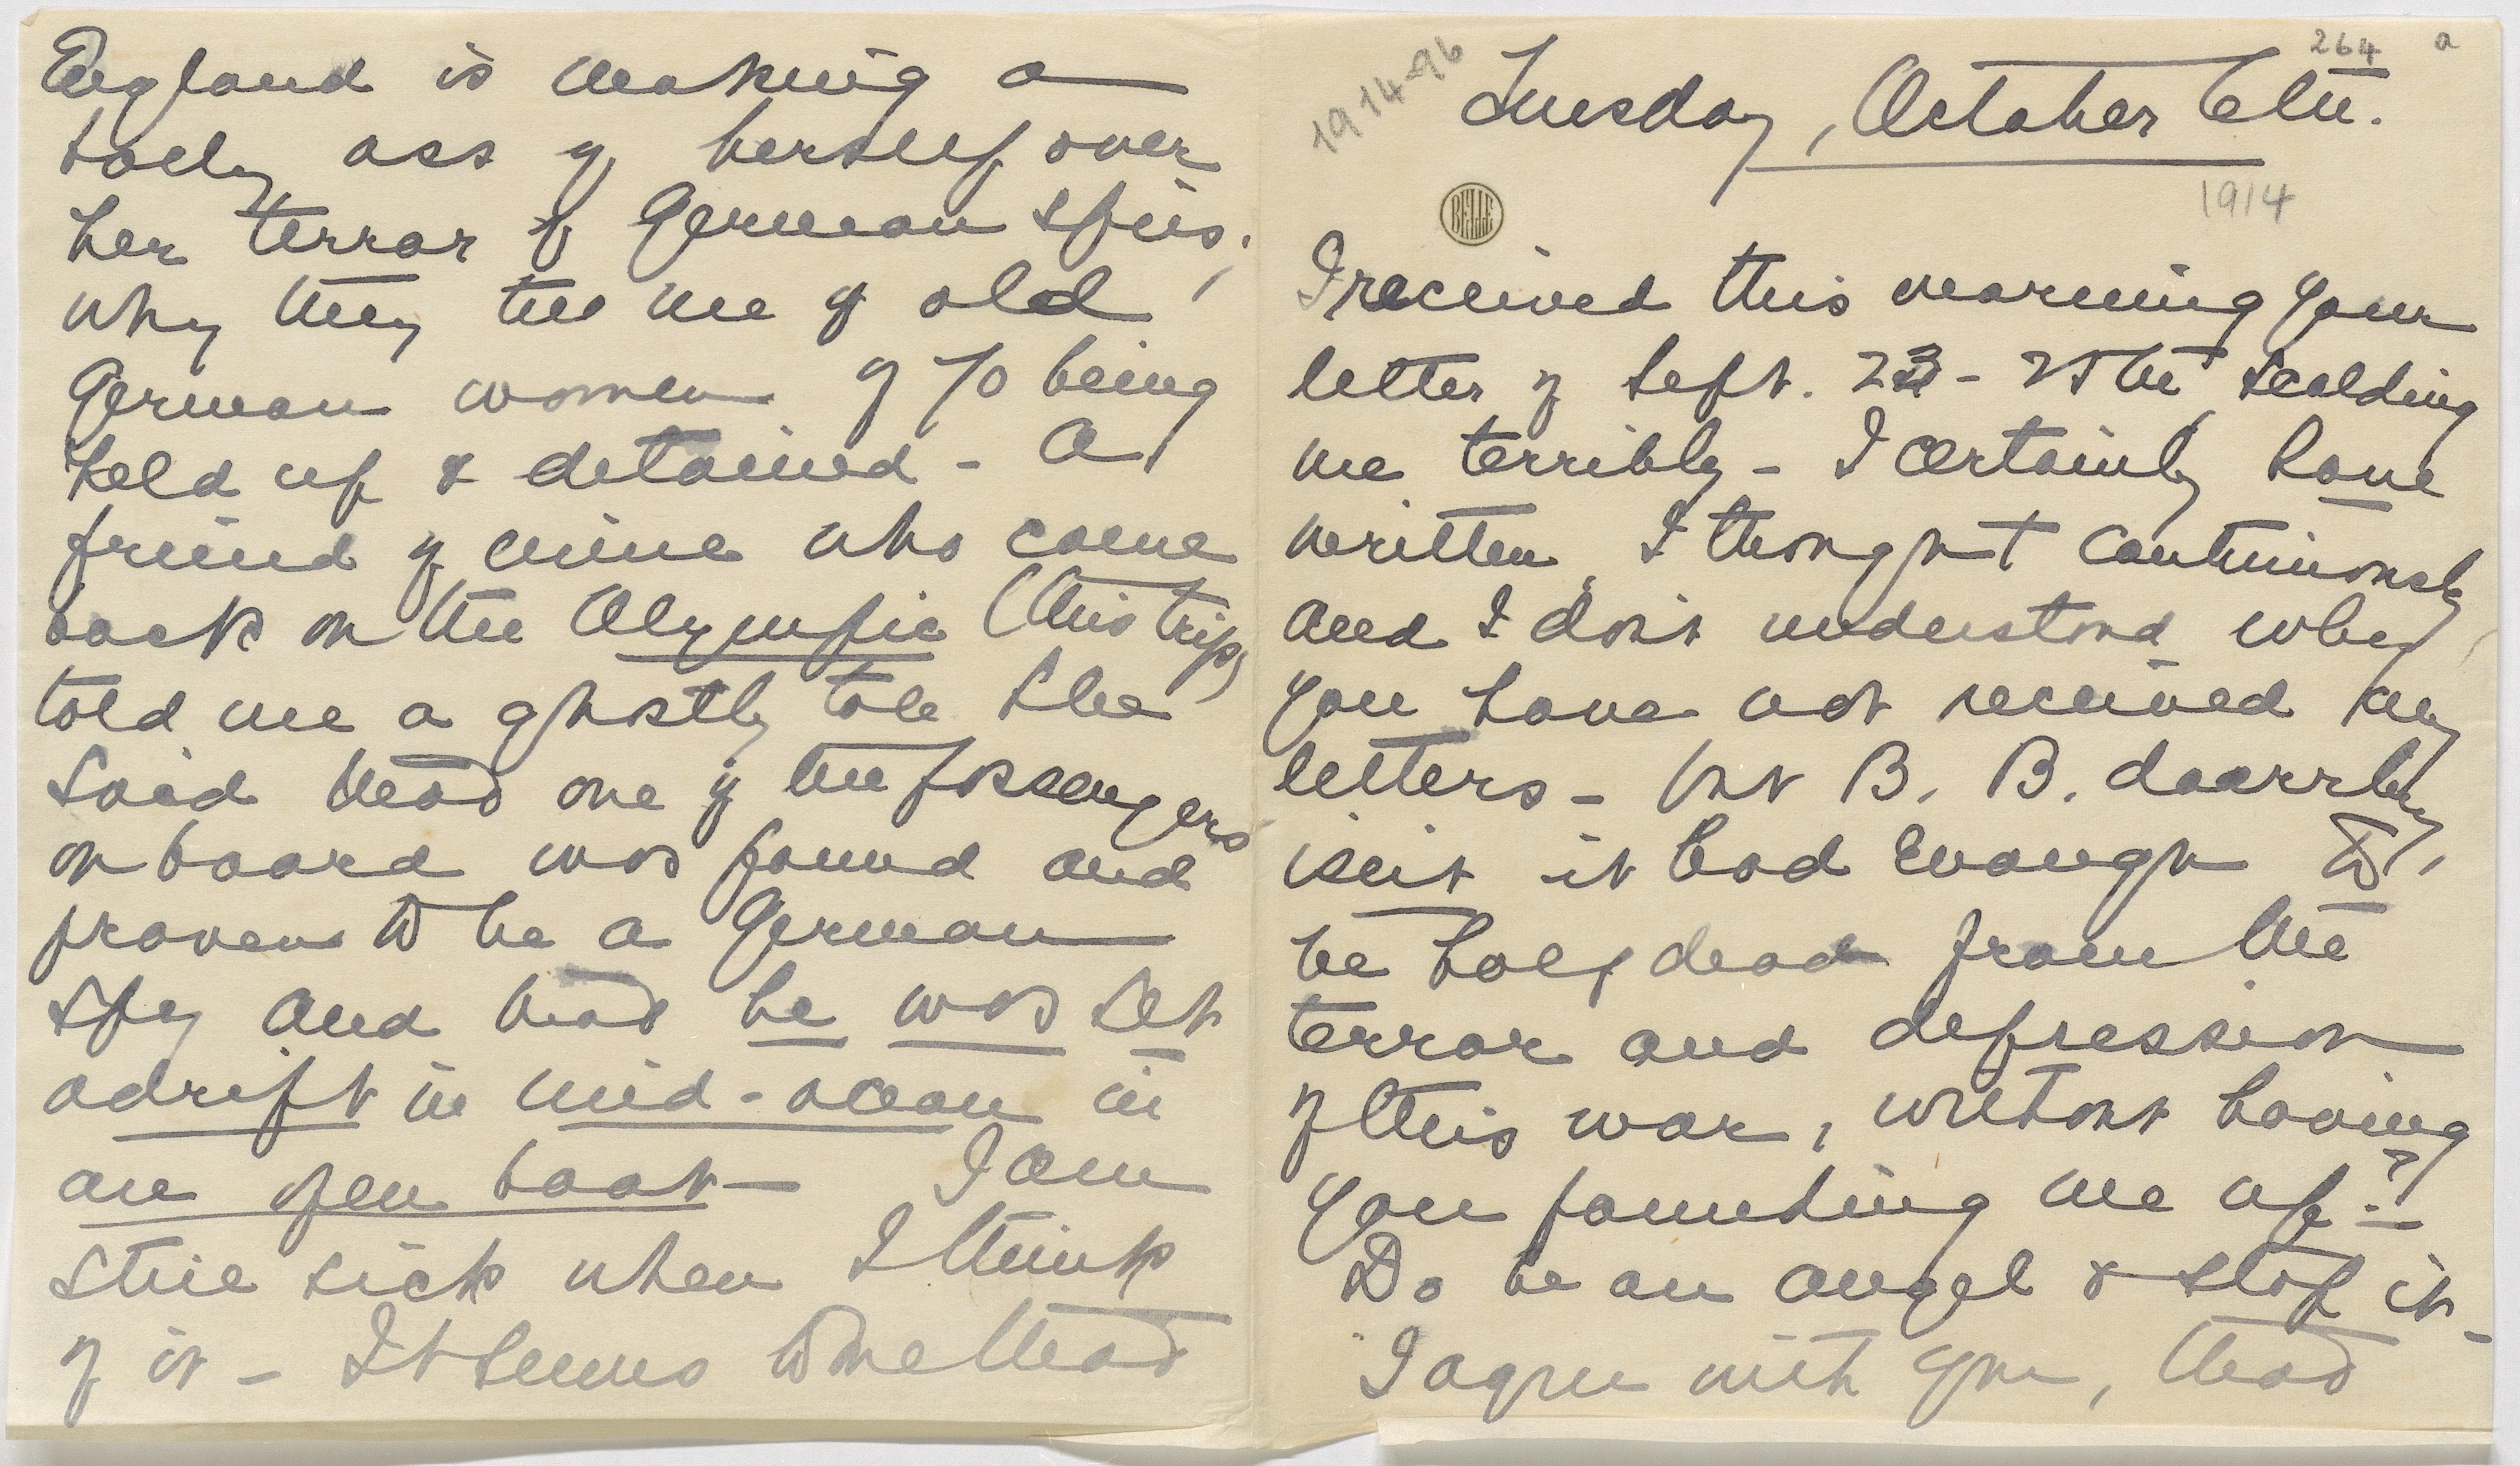Tuesday, October 6th.
I received this morning your letter of Sept. 23-25th scolding me terribly – I certainly have written, I thought continuously and I don’t understand why you have not received my letters – but B.B. daarrling, isn’t it bad enough to be half dead from the terror and depression of this war, without having you pounding me up?
Do be an angel & stop it – I agree with you, that
England is making a bally ass of herself over her terror of German spies; Why they tell me of old German women of 70 being held up & detained – A friend of mine who came back on the Olympic (this trip) told me a ghastly tale She said that one of the passengers on board was found and proven to be a German spy and that he was set adrift in mid-ocean in an open boat – I am still sick when I think of it – It seems to me that